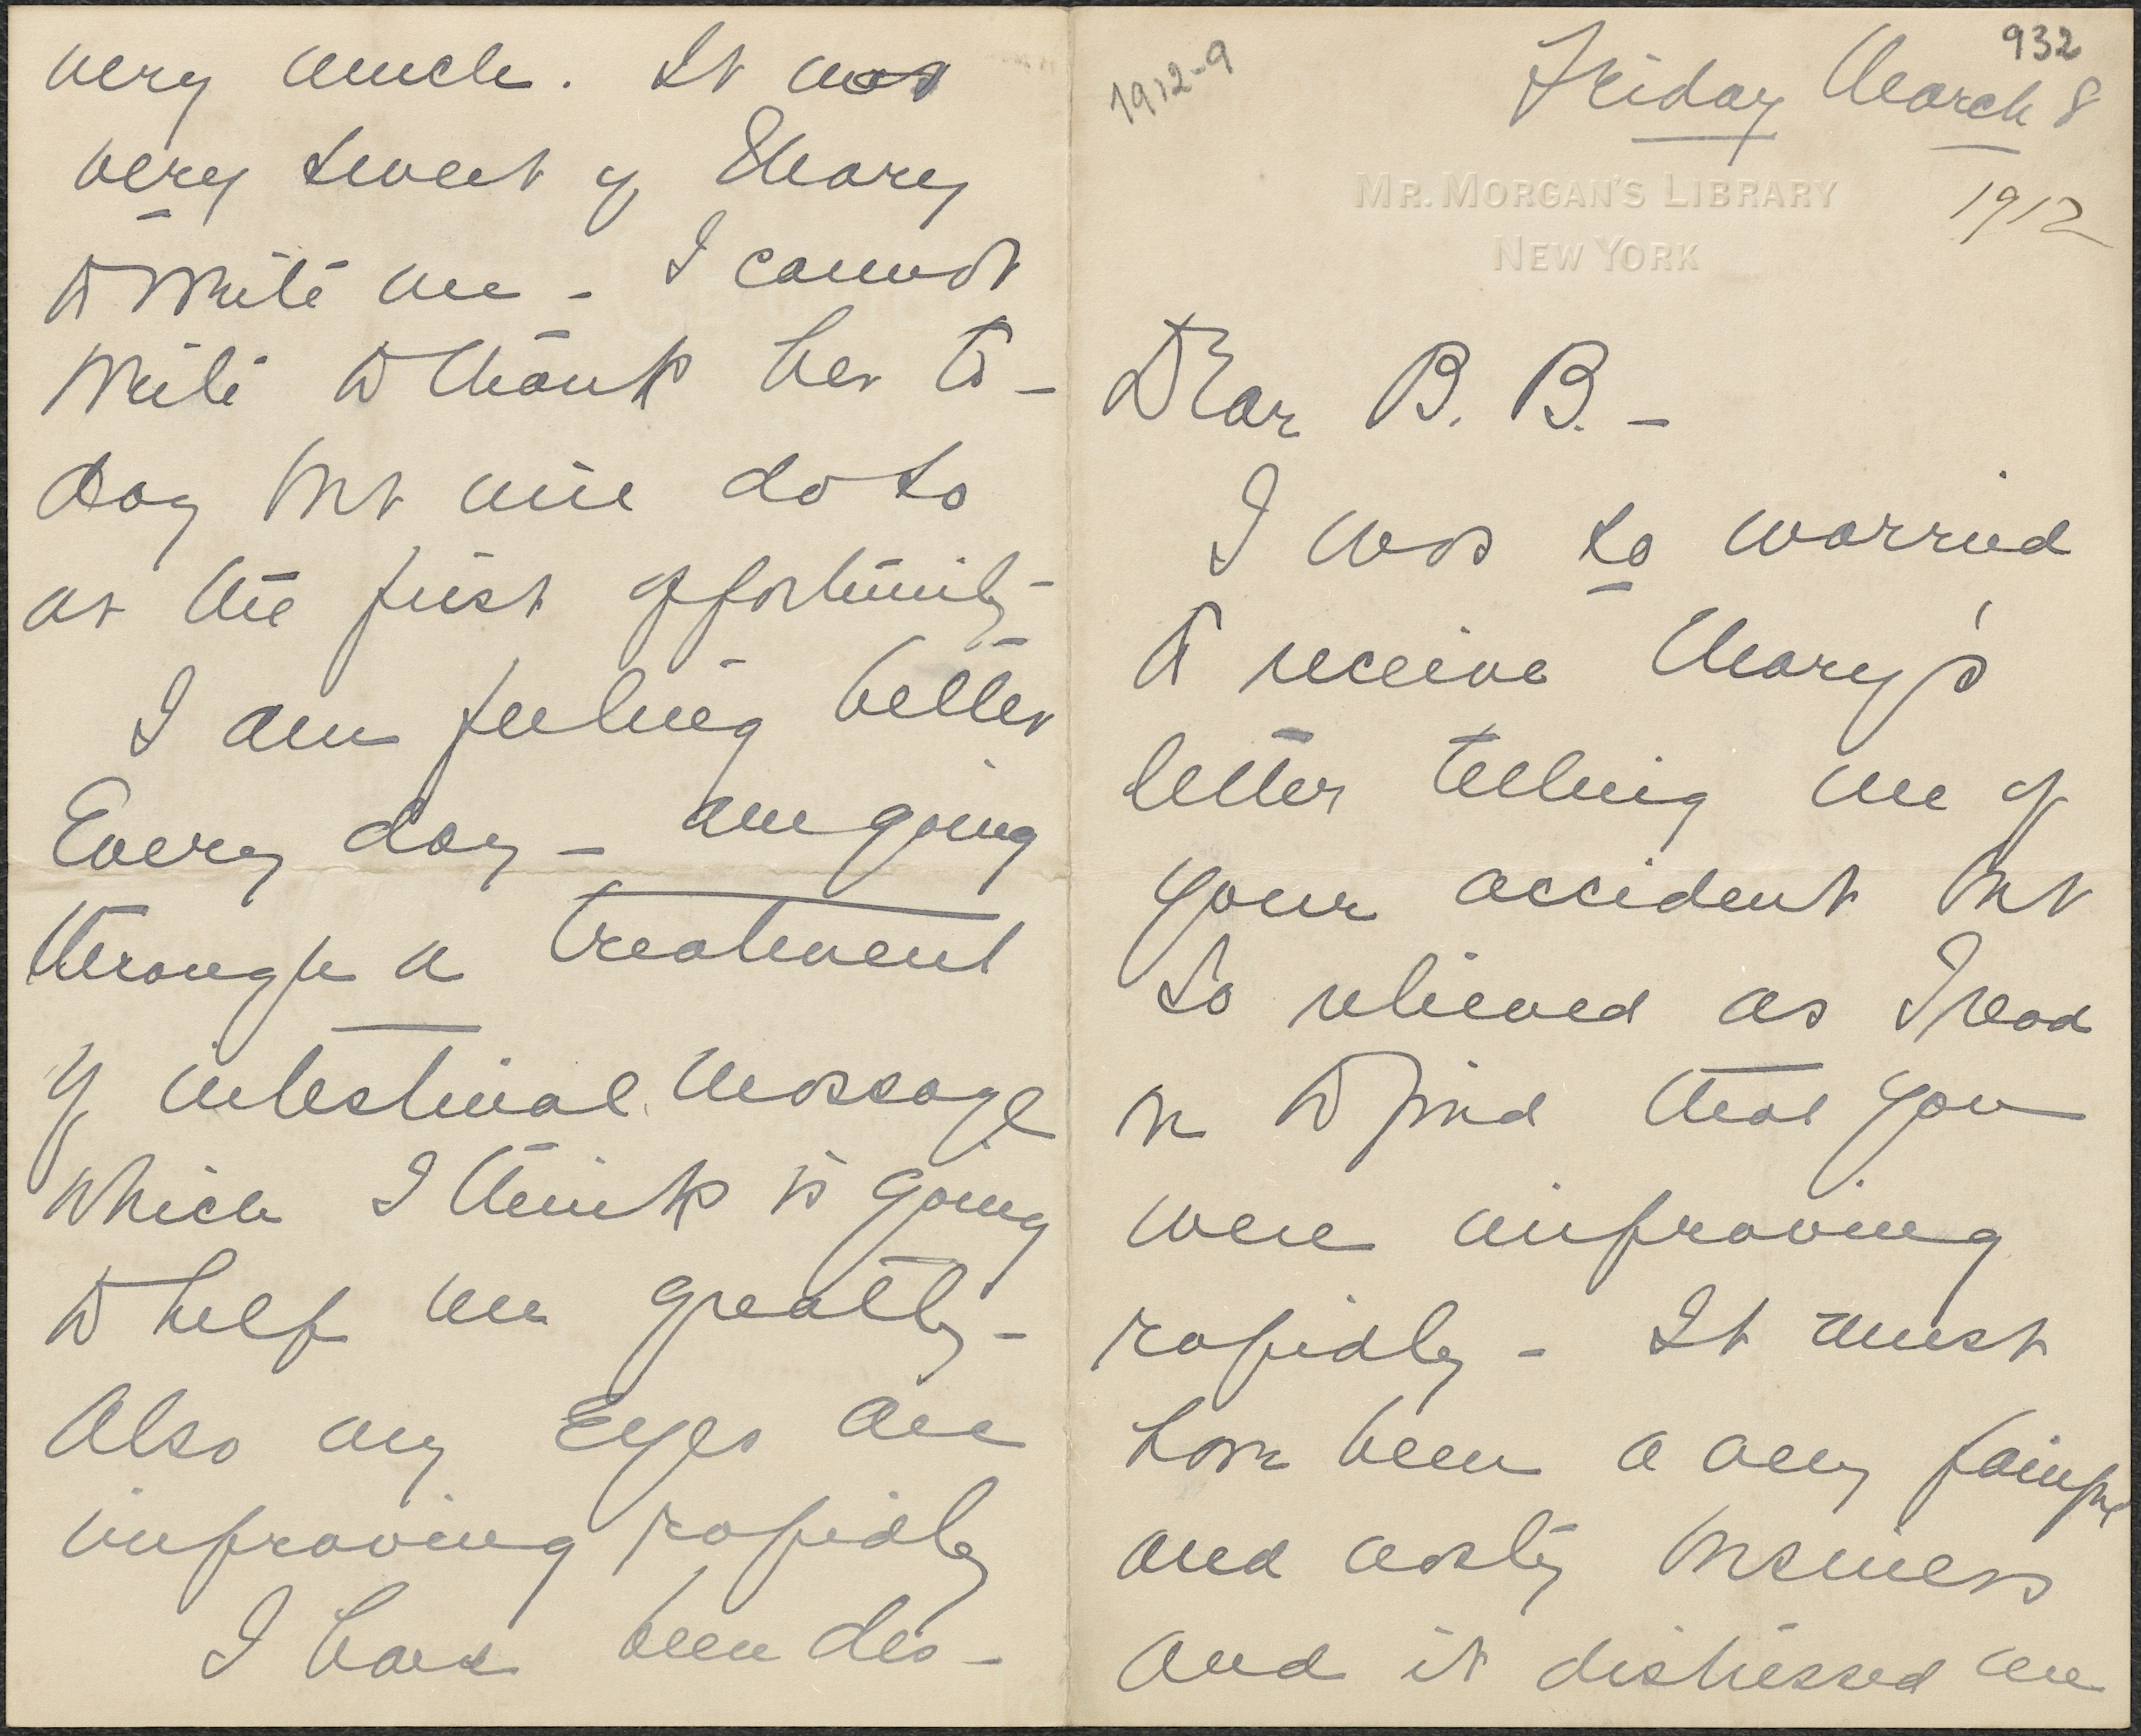Friday March 8
Dear B. B. –
I was so worried to receive Mary’s letter telling me of your accident but so relieved as I read on to find that you were improving rapidly – It must have been a very painful and nasty business and it distressed me
very much. It was very sweet of Mary to write me – I cannot write to thank her today but will do so at the first opportunity
I am feeling better every day – am going through a treatment of intestinal massage which I think is going to help me greatly – Also my eyes are improving rapidly
I have been desperately